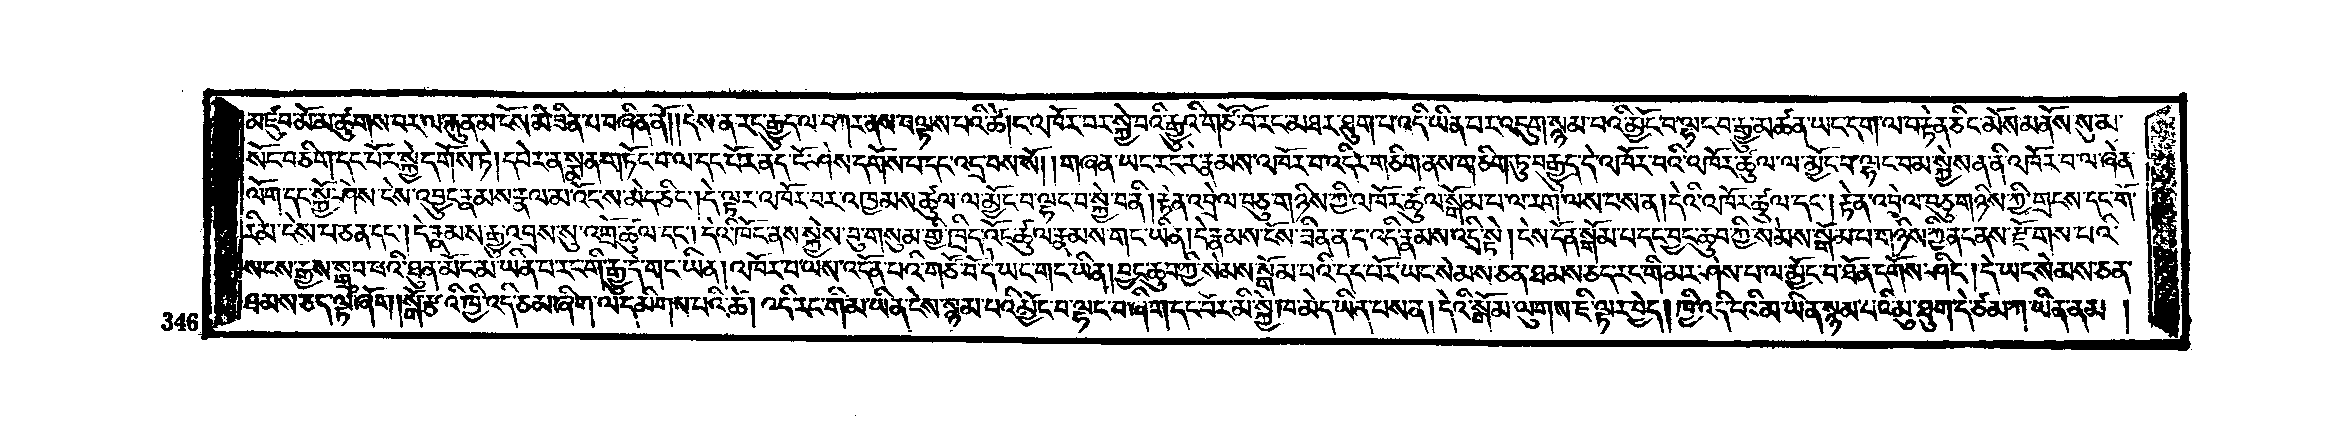མཛུབ་མོ་མ་ཚུགས་བར་ལ་རྐུན་མ་ངོས་མི་ཟིན་པ་བཞིན་ནོ། །དེས་ན་རང་རྒྱུད་ལ་བཀར་ནས་བལྟས་པའི་ཚེ། ང་འཁོར་བར་སྐྱེ་བའི་རྒྱུའི་གཙོ་བོ་རང་མཐར་ཐུག་པ་འདི་ཡིན་པར་འདུག་སྙམ་པའི་མྱོང་བ་ལྷང་བ་རྒྱུ་མཚན་ཡང་དག་ལ་བརྟེན་ཅིང་མོས་མནོས་སུ་མ་
སོང་བ་ཅིག་དང་པོར་སྐྱེ་དགོས་ཏེ། དཔེར་ན་སྨན་གཏོང་བ་ལ་དང་པོར་ནད་ངོ་ཤེས་དགོས་པ་དང་འདྲ་བས་སོ། །གཞན་ཡང་རང་རེ་རྣམས་འཁོར་བ་འདིར་གཅིག་ནས་གཅིག་ཏུ་བརྒྱུད་དེ་འཁོར་བའི་འཁོར་ཚུལ་ལ་མྱོང་བ་ལྷང་བ་མ་སྐྱེས་ན་ནི་འཁོར་བ་ལ་ཞེན་
ལོག་དང་སྐྱེ་ཤས་ངེས་འབྱུང་རྣམས་རྣལ་མ་འོང་ས་མེད་ཅིང་། དེ་ལྟར་འཁོར་བར་འཁྱམས་ཚུལ་ལ་མྱོང་བ་ལྷང་བ་སྐྱེ་བ་ནི། རྟེན་འབྲེལ་བཅུ་གཉིས་ཀྱི་འཁོར་ཚུལ་སྒོམ་པ་ལ་རག་ལས་པས་ན། དེའི་འཁོར་ཚུལ་དང་། རྟེན་འབྲེལ་བཅུ་གཉིས་ཀྱི་གྲངས་དང་གོ་
རིམ་ངེས་པ་ཅན་དང་། དེ་རྣམས་རྒྱུ་འབྲས་བུ་འགྲོ་ཚུལ་དང་། དེའི་ཁོང་ནས་སྐྱེས་བུ་གསུམ་གྱི་ཁྲིད་འོང་ཚུལ་རྣམས་གང་ཡིན། དེ་རྣམས་ངོས་ཟིན་ན་ད་འདི་རྣམས་འདྲི་སྟེ། ངེས་དོན་སྒོམ་པ་དང་བྱང་ཆུབ་ཀྱི་སེམས་སྒོམ་པ་གཉིས་ཀྱི་ནང་ནས་རྫོགས་པའི་
སངས་རྒྱས་སྒྲུབ་པའི་ཐུན་མོང་མ་ཡིན་པ་རང་གི་རྒྱུ་དེ་གང་ཡིན། འཁོར་བ་ལས་འདོན་པའི་གཙོ་བོ་དེ་ཡང་གང་ཡིན། བྱང་ཆུབ་ཀྱི་སེམས་སྒོམ་པའི་དང་པོར་ཡར་སེམས་ཅན་ཐམས་ཅད་རང་གི་མར་ཤེས་པ་ལ་མྱོང་བ་ཐོན་དགོས་ཤིང་། དེ་ཡང་སེམས་ཅན་
ཐམས་ཅད་ལྟ་ཞོག །སྒོ་རྩའི་ཁྱི་འདི་ཙམ་ཞིག་ལ་དམིགས་པའི་ཚེ། འདི་རང་གི་མ་ཡིན་ངེས་སྙམ་པའི་མྱོང་བ་ལྷང་བ་ཞིག་དང་པོར་མི་སྐྱེ་ཁ་མེད་ཡིན་པས་ན། དེའི་སྒོམ་ལུགས་ཇི་ལྟར་བྱེད། ཁྱི་འདི་ངའི་མ་ཡིན་སྙམ་པའི་མུ་ཐུག་དེ་ཙམ་ཀ་ཡིན་ནམ།